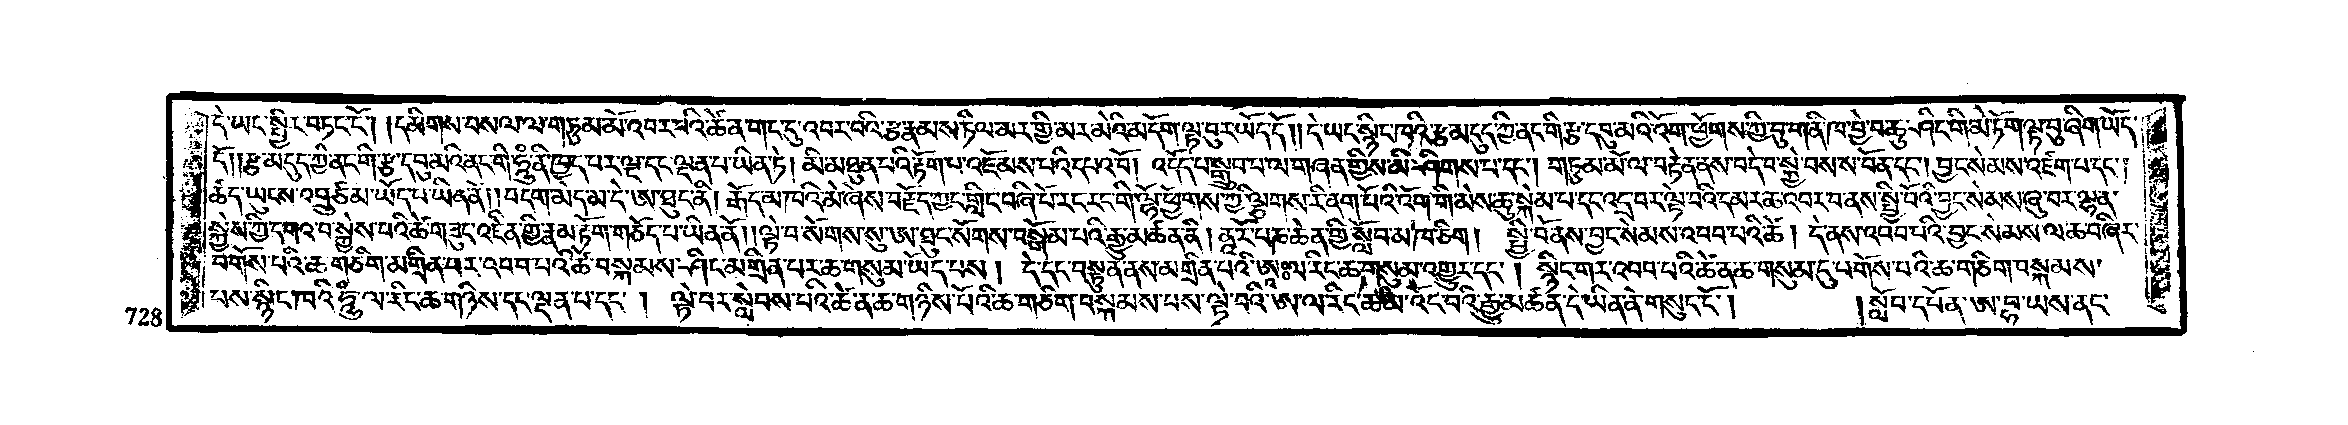དེ་ཡང་སྤྱིར་བཏང་ངོ། །དམིགས་བསལ་ལ་གཏུམ་མོ་འབར་བའི་ཚེ་ན་གང་དུ་འབར་བའི་རྩ་རྣམས་ཏིལ་མར་གྱི་མར་མེའི་མདོག་ལྟ་བུར་ཡོད་དོ། །དེ་ཡང་སྙིང་ཁའི་རྩ་མདུད་ཀྱི་ནང་གི་རྩ་དབུ་མའི་འོག་ཕྱོགས་ཀྱི་བུ་ག་ནི་ཁ་བྱེ་བ་ཆུ་ཤིང་གི་མེ་ཏོག་ལྟ་བུ་ཞིག་ཡོད་
དོ། །རྩ་མདུད་ཀྱི་ནང་གི་རྩ་དབུ་མའི་ནང་གི་ཧཱུཾ་ནི་ཁྱད་པར་ལྔ་དང་ལྡན་པ་ཡིན་ཏེ། མི་མཐུན་པའི་རྟོག་པ་འཇོམས་པའི་དཔའ་བོ། འདོད་པ་སྒྲུབ་པ་ལ་གཞན་གྱིས་མི་ཤིགས་པ་དང་། གཏུམ་མོ་ལ་བརྟེན་ནས་བདེ་བ་སྐྱེ་བས་ས་བོན་དང་། བྱང་སེམས་འཛག་པ་དང་།
ཚད་ཡུངས་འབྲུ་ཙམ་ཡོད་པ་ཡིན་ནོ། །བདག་མེད་མ་དེ་ཨ་ཐུང་ནི། རྒོད་མ་ཁའི་མེ་ཞེས་བརྗོད་ཀྱང་གླིང་བཞི་པོ་རང་རང་གི་ལྷོ་ཕྱོགས་ཀྱི་ལྕགས་རི་ནག་པོའི་འོག་གི་མེས་ཆུ་སྐེམ་པ་དང་འདྲ་བར་ལྟེ་བའི་དམར་ཆ་འབར་བ་ནས་སྤྱི་བོའི་བྱང་སེམས་ཞུ་བར་ལྷན་
སྐྱེས་ཀྱི་དགའ་བ་སྐྱེས་པའི་ཚེ་གཟུང་འཛིན་གྱི་རྣམ་རྟོག་གཅོད་པ་ཡིན་ནོ། །ལྟེ་བ་སོགས་སུ་ཨ་ཐུང་སོགས་བསྒོམ་པའི་རྒྱུ་མཚན་ནི། ནཱ་རོ་པཎ་ཆེན་གྱི་སློབ་མ་ཁ་ཅིག །སྤྱི་བོ་ནས་བྱང་སེམས་འབབ་པའི་ཚེ། དེ་ནས་འབབ་པའི་བྱང་སེམས་ལ་ཆ་བཞིར་
བགོས་པའི་ཆ་གཅིག་མགྲིན་པར་འབབ་པའི་ཚེ་བསྐམས་ཤིང་མགྲིན་པར་ཆ་གསུམ་ཡོད་པས། དེ་དང་བསྟུན་ནས་མགྲིན་པའི་ཨཱཿ ལ་རིང་ཆ་གསུམ་འགྱུར་དང་། སྙིང་གར་འབབ་པའི་ཚེ་ན་ཆ་གསུམ་དུ་བགོས་པའི་ཆ་གཅིག་བསྐམས་
པས་སྙིང་ཁའི་ཧཱུཾ་ལ་རིང་ཆ་གཉིས་དང་ལྡན་པ་དང་། ལྟེ་བར་སླེབས་པའི་ཚེ་ན་ཆ་གཉིས་པོའི་ཆ་གཅིག་བསྐམས་པས་ལྟེ་བའི་ཨ་ལ་རིང་ཆ་མི་འོང་བའི་རྒྱུ་མཚན་དེ་ཡིན་ནོ་གསུང་ངོ། །སློབ་དཔོན་ཨ་བྷ་ཡས་ནང་